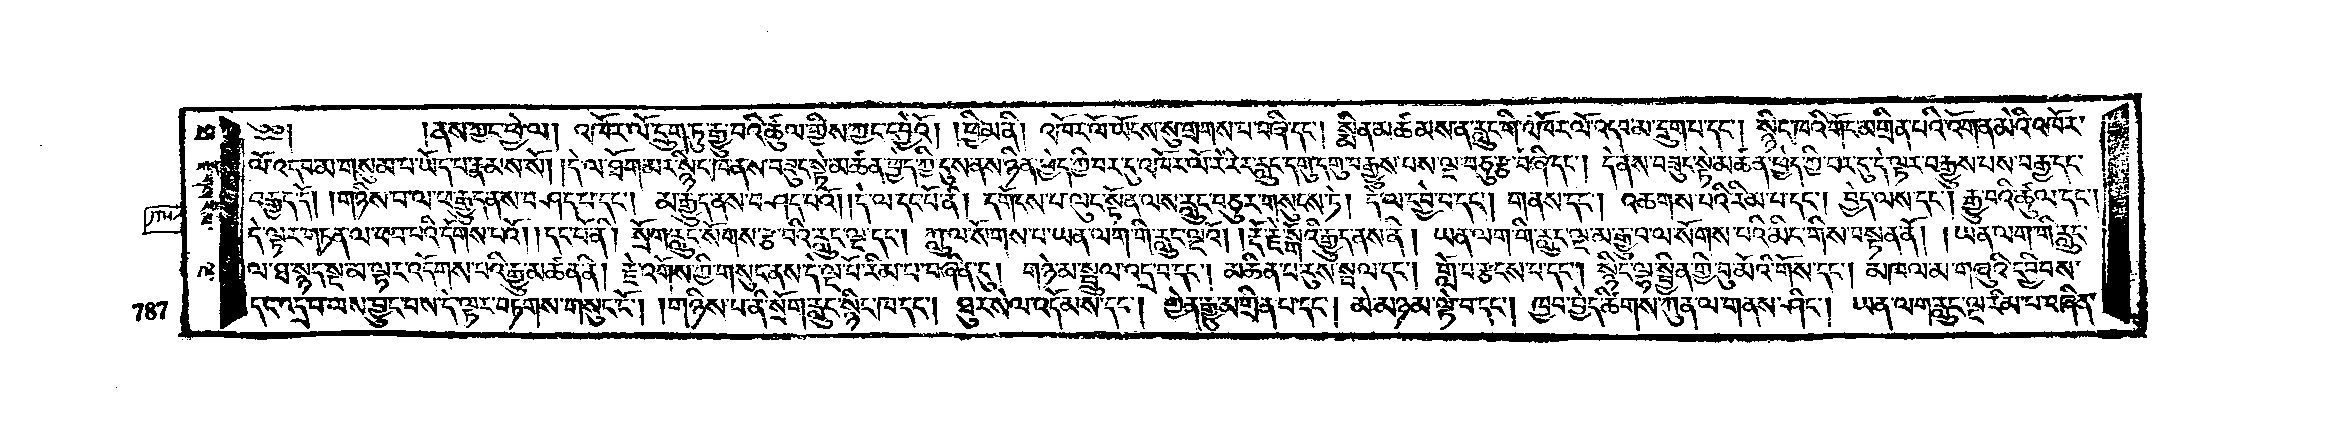༄༅། །ནས་ཀྱང་ཕྱེ་ལ། འཁོར་ལོ་དྲུག་ཏུ་རྒྱུ་བའི་ཚུལ་གྱིས་ཀྱང་དབྱེའོ། །ཕྱི་མ་ནི། འཁོར་ལོ་ཡོངས་སུ་གྲགས་པ་བཞི་དང་། སྨིན་མཚམས་ན་རླུང་གི་འཁོར་ལོ་འདབ་མ་དྲུག་པ་དང་། སྙིང་ཁའི་གོང་མགྲིན་པའི་འོག་ན་མེའི་འཁོར་
ལོ་འདབ་མ་གསུམ་པ་ཡོད་པ་རྣམས་སོ། །དེ་ལ་ཐོག་མར་སྙིང་ཁ་ནས་བཟུང་སྟེ་མཚན་ཕྱེད་ཀྱི་དུས་ནས་ཉིན་ཕྱེད་ཀྱི་བར་དུ་འཁོར་ལོ་རེ་རེར་རླུང་དགུ་དགུ་བརྒྱུས་པས་ལྔ་བཅུ་རྩ་བཞི་དང་། དེ་ནས་བཟུང་སྟེ་མཚན་ཕྱེད་ཀྱི་བར་དུ་དེ་ལྟར་བརྒྱུས་པས་བརྒྱ་དང་
བརྒྱད་དོ། །གཉིས་པ་ལ་ཕ་རྒྱུད་ནས་བཤད་པ་དང་། མ་རྒྱུད་ནས་བཤད་པའོ། །དེ་ལ་དང་པོ་ནི། དགོངས་པ་ལུང་སྟོན་ལས་རླུང་བཅུར་གསུངས་ཏེ། དེ་ལ་དབྱེ་བ་དང་། གནས་དང་། འཆགས་པའི་རིམ་པ་དང་། བྱེད་ལས་དང་། རྒྱུ་བའི་ཚུལ་དང་།
དེ་ལྟར་གཏན་ལ་ཕབ་པའི་དགོས་པའོ། །དང་པོ་ནི། སྲོག་རླུང་སོགས་རྩ་བའི་རླུང་ལྔ་དང་། ཀླུ་ལ་སོགས་པ་ཡན་ལག་གི་རླུང་ལྔའོ། །རྡོ་རྗེ་སྒོའི་རྒྱུད་ནས་ནི། ཡན་ལག་གི་རླུང་ལྔ་མ་རྒྱུ་བ་ལ་སོགས་པའི་མིང་གིས་བསྟན་ནོ། །ཡན་ལག་གི་རླུང་
ལ་ཐ་སྙད་སྔ་མ་ལྟར་འདོགས་པའི་རྒྱུ་མཚན་ནི། རྗེ་འགོས་ཀྱི་གསུང་ནས་དེ་ལྔ་པོ་རིམ་པ་བཞིན་དུ། གཉེ་མ་སྦྲུལ་འདྲ་བ་དང་། མཆིན་པ་རུས་སྦལ་དང་། གློ་བ་རྩངས་པ་དང་། སྙིང་ལྷ་སྦྱིན་གྱི་བུ་མོའི་གོས་དང་། མཁལ་མ་གཞུའི་དབྱིབས་
དང་འདྲ་བ་ལས་བྱུང་བས་དེ་ལྟར་བཏགས་གསུང་ངོ། །གཉིས་པ་ནི་སྲོག་རླུང་སྙིང་ཁ་དང་། ཐུར་སེལ་འདོམས་དང་། གྱེན་རྒྱུ་མགྲིན་པ་དང་། མེ་མཉམ་ལྟེ་བ་དང་། ཁྱབ་བྱེད་ཚིགས་ཀུན་ལ་གནས་ཤིང་། ཡན་ལག་རླུང་ལྔ་རིམ་པ་བཞིན་